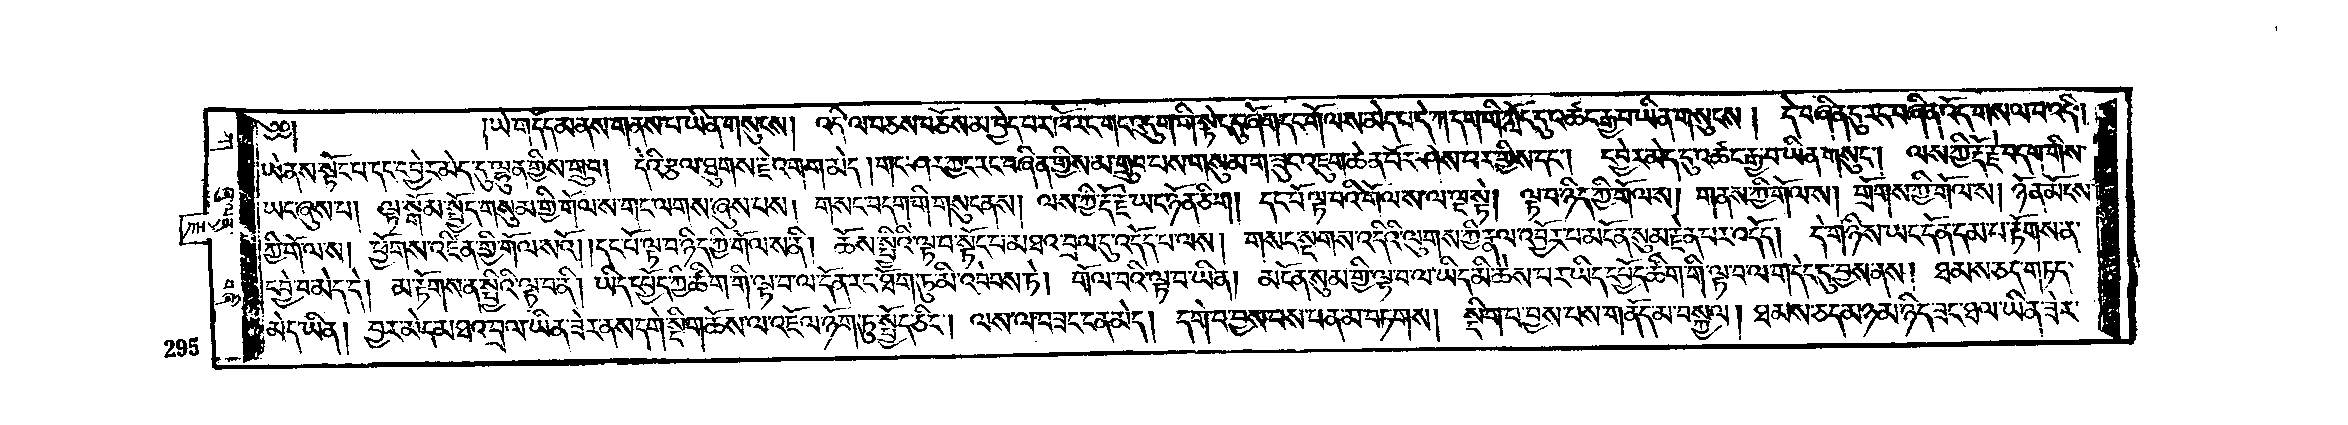༄༅། །ཡེ་གདོད་མ་ནས་གནས་པ་ཡིན་གསུངས། འདི་ལ་བཅས་བཅོས་མ་བྱེད་པར་ཁོ་རང་གང་འདུག་གི་སྟེང་དུ་ཞོག་དང་གོ་ལས་མེད་པ་དེ་ཀ་དག་གི་ཀློང་དུ་འཚང་རྒྱ་བ་ཡིན་གསུངས། དེ་བཞིན་དུ་རང་བཞིན་འོད་གསལ་བ་འདི།
ཡེ་ནས་སྟོང་པ་དང་དབྱེར་མེད་དུ་ལྷུན་གྱིས་གྲུབ། དེའི་རྩལ་ཐུགས་རྗེ་འགག་མེད། གང་ཤར་ཀྱང་རང་བཞིན་གྱིས་མ་གྲུབ་པས་གསུམ་ག་ཟུང་འཇུག་ཆེན་པོར་ཤེས་པར་གྱིས་དང་། དབྱེར་མེད་དུ་འཚང་རྒྱ་བ་ཡིན་གསུང་། ལས་ཀྱི་རྡོ་རྗེ་བདག་གིས་
ཡང་ཞུས་པ། ལྟ་སྒོམ་སྤྱོད་གསུམ་གྱི་གོལ་ས་གང་ལགས་ཞུས་པས། གསང་བདག་གི་གསུང་ནས། ལས་ཀྱི་རྡོ་རྗེ་ཡང་ཉོན་ཅིག། དང་པོ་ལྟ་བའི་གོལ་ས་ལ་ལྔ་སྟེ། ལྟ་བ་ཉིད་ཀྱི་གོལ་ས། གནས་ཀྱི་གོ་ས། གྲོགས་ཀྱི་གོལ་ས། ཉོན་མོངས་
ཀྱི་གོལ་ས། ཕྱོགས་འཛིན་གྱི་གོལ་སའོ། །དང་པོ་ལྟ་བ་ཉིད་ཀྱི་གོལ་ས་ནི། ཆོས་སྤྱིའི་ལྟ་བ་སྟོང་པ་མཐའ་བྲལ་དུ་འདོད་པ་ལས། གསང་སྔགས་འདིའི་ལུགས་ཀྱི་རྣལ་འབྱོར་པ་མངོན་སུམ་རྗེན་པར་འདོད། དེ་གཉིས་ཡང་དོན་དམ་པ་རྟོགས་ན་
དབྱེ་བ་མེད་དེ། མ་རྟོགས་ན་སྤྱིའི་ལྟ་བ་ནི། ཡིད་དཔྱོད་ཀྱི་ཚིག་གི་ལྟ་བ་ལ་དོན་རང་ཐོག་ཏུ་མི་འབེབས་ཏེ། གོལ་བའི་ལྟ་བ་ཡིན། མངོན་སུམ་གྱི་ལྟ་བ་ལ་ཡིད་མི་ཆེས་པར་ཡིད་དཔྱོད་ཚིག་གི་ལྟ་བ་ལ་གདེང་དུ་བྱས་ནས། ཐམས་ཅད་གཏད་
མེད་ཡིན། བྱར་མེད་མཐའ་བྲལ་ཡིན་ཟེར་ནས་དགེ་སྡིག་ཆོས་ལ་འཇོལ་ཉོག་ཏུ་སྤྱོད་ཅིང་། ལས་ལ་བཟང་ངན་མེད། དགེ་བ་བྱས་པས་ཕན་མ་བཏགས། སྡིག་པ་བྱས་པས་གནོད་མ་བསྐྱལ། ཐམས་ཅད་མཉམ་ཉིད་ཟང་ཐལ་ཡིན་ཟེར་